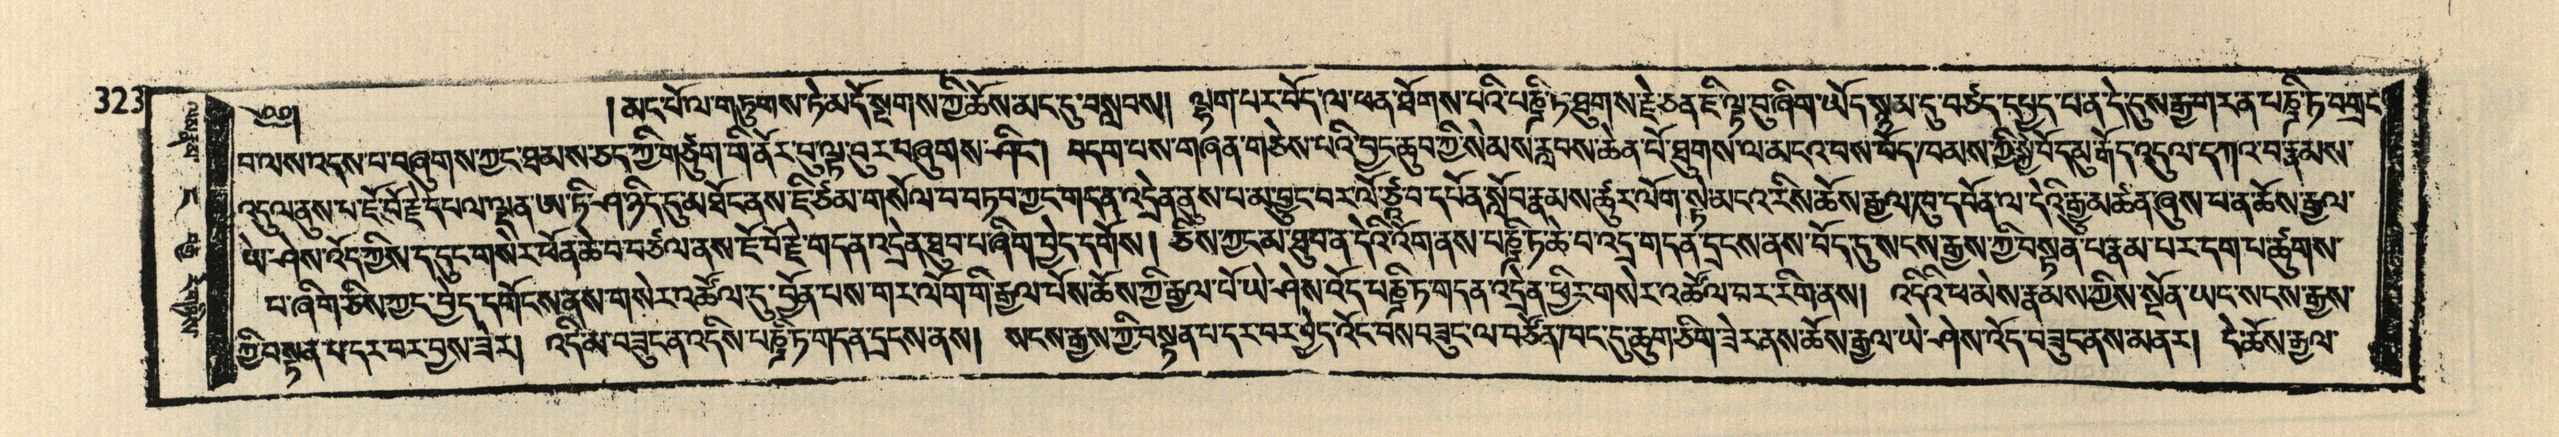༄༅། །མང་པོ་ལ་གཏུགས་ཏེ་མདོ་སྔགས་ཀྱི་ཆོས་མང་དུ་བསླབས། ལྷག་པར་བོད་ལ་ཕན་ཐོགས་པའི་པཎྜི་ཏ་ཐུགས་རྗེ་ཅན་ཇི་ལྟ་བུ་ཞིག་ཡོད་སྙམ་དུ་བཙད་དཔྱད་པ་ན་དེ་དུས་རྒྱ་གར་ན་པཎྜི་ཏ་བགྲང་
བ་ལས་འདས་པ་བཞུགས་ཀྱང་ཐམས་ཅད་ཀྱི་གཙུག་གི་ནོར་བུ་ལྟ་བུར་བཞུགས་ཤིང་། བདག་པས་གཞན་གཅེས་པའི་བྱང་ཆུབ་ཀྱི་སེམས་རླབས་ཆེན་པོ་ཐུགས་ལ་མངའ་བས་བོད་ཁམས་ཀྱི་སྐྱེ་བོད་མུ་རྒོད་འདུལ་དཀའ་བ་རྣམས་
འདུལ་ནུས་པ་ཇོ་བོ་རྗེ་དཔལ་ལྡན་ཨ་ཏི་ཤ་ཉིད་དུ་མཐོང་ནས་ཇི་ཙམ་གསོལ་བ་བཏབ་ཀྱང་གདན་འདྲེན་ནུས་པ་མ་བྱུང་བར་ལོ་ཙཱ་བ་དཔོན་སློབ་རྣམས་ཚུར་ལོག་སྟེ་མངའ་རིས་ཆོས་རྒྱལ་ཁུ་དབོན་ལ་དེའི་རྒྱུ་མཚན་ཞུས་པ་ན་ཆོས་རྒྱལ་
ཡེ་ཤེས་འོད་ཀྱིས་ད་དུང་གསེར་ཕོན་ཆེ་བ་བཙལ་ནས་ཇོ་བོ་རྗེ་གདན་འདྲེན་ཐུབ་པ་ཞིག་བྱེད་དགོས། ཅིས་ཀྱང་མ་ཐུབ་ན་དེའི་འོག་ནས་པཎྜི་ཏ་ཆེ་བ་འདྲ་གདན་དྲངས་ནས་བོད་དུ་སངས་རྒྱས་ཀྱི་བསྟན་པ་རྣམ་པར་དག་པ་ཚུགས་
པ་ཞིག་ཅིས་ཀྱང་བྱེད་དགོངས་ནས་གསེར་འཚོལ་དུ་བྱོན་པས་གར་ལོག་གི་རྒྱལ་པོས་ཆོས་ཀྱི་རྒྱལ་པོ་ཡེ་ཤེས་འོད་པཎྜི་ཏ་གདན་འདྲེན་ཕྱིར་གསེར་འཚོལ་བར་རིག་ནས། འདིའི་ཕ་མེས་རྣམས་ཀྱིས་སྔོན་ཡང་སངས་རྒྱས་
ཀྱི་བསྟན་པ་དར་བར་བྱས་ཟེར། འདི་མ་བཟུང་ན་འདིས་པཎྜི་ཏ་གདན་དྲངས་ནས། སངས་རྒྱས་ཀྱི་བསྟན་པ་དར་བར་བྱེད་འོང་བས་བཟུང་ལ་བཙོན་ཁང་དུ་ཆུག་ཅིག་ཟེར་ནས་ཆོས་རྒྱལ་ཡེ་ཤེས་འོད་བཟུང་ནས་མནར། དེ་ཆོས་རྒྱལ་